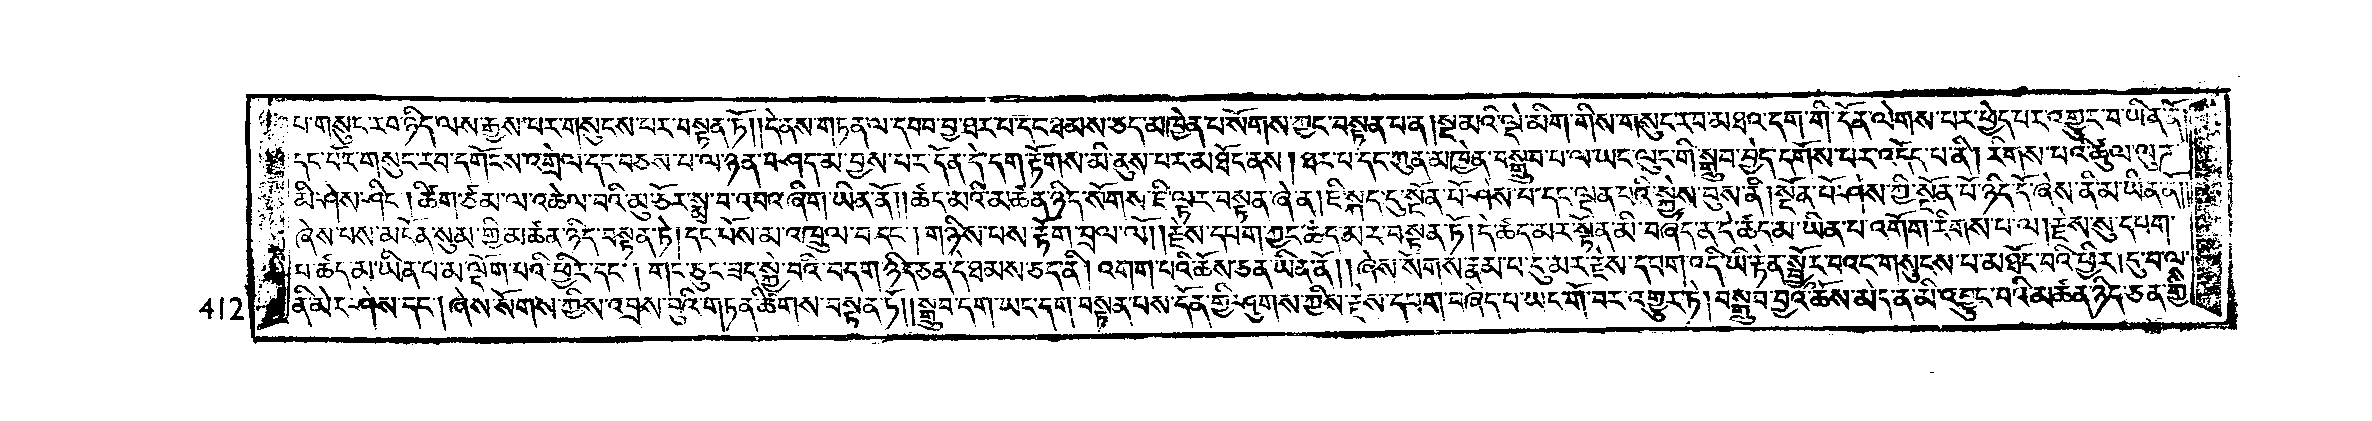པ་གསུང་རབ་ཉིད་ལས་རྒྱས་པར་གསུངས་པར་བསྟན་ཏོ། །དེ་ནས་གཏན་ལ་དབབ་བྱ་ཐར་པ་དང་ཐམས་ཅད་མཁྱེན་པ་སོགས་ཀྱང་བསྟན་པ་ན། སྔ་མའི་ལྡེ་མིག་གིས་གསུང་རབ་མཐའ་དག་གི་དོན་ལེགས་པར་ཕྱེད་པར་འགྱུར་བ་ཡིན་ནོ།
དང་པོར་གསུང་རབ་དགོངས་འགྲེལ་དང་བཅས་པ་ལ་ཉན་བཤད་མ་བྱས་པར་དོན་དེ་དག་རྟོགས་མི་ནུས་པར་མཐོང་ནས། ཐར་པ་དང་ཀུན་མཁྱེན་བསྒྲུབ་པ་ལ་ཡང་ལུང་གི་སྒྲུབ་བྱེད་དགོས་པར་འདོད་པ་ནི། རིགས་པའི་ཚུལ་ལུཌ་
མི་ཤེས་ཤིང་། ཚིག་ཙམ་ལ་འཚེལ་བའི་མུ་ཅོར་སྨྲ་བ་འབའ་ཞིག་ཡིན་ནོ། །ཚད་མའི་མཚན་ཉིད་སོགས་ཇི་ལྟར་བསྟན་ཞེ་ན། ཇི་སྐད་དུ་སྔོན་པོ་ཤེས་པ་དང་ལྡན་པའི་སྐྱེས་བུས་ནི། སྔོན་པོ་ཤེས་ཀྱི་སྔོན་པོ་ཉིད་དོ་ཞེས་ནི་མ་ཡིན་ནོ།།
ཞེས་པས་མངོན་སུམ་གྱི་མཚན་ཉིད་བསྟན་ཏེ། དང་པོས་མ་འཁྲུལ་བ་དང་། གཉིས་པས་རྟོག་བྲལ་ལོ། །རྗེས་དཔག་ཀྱང་ཚད་མར་བསྟན་ཏོ། དེ་ཚད་མར་སྟོན་མི་བཞེད་ན་དེ་ཚད་མ་ཡིན་པ་འགོག་རིགས་པ་ལ། རྗེས་སུ་དཔག་
པ་ཚད་མ་ཡིན་པ་མ་ལྡོག་པའི་ཕྱིར་དང་། གང་ཅུང་ཟད་སྐྱེ་བའི་བདག་ཉིད་ཅན་དེ་ཐམས་ཅད་ནི། འགག་པའི་ཆོས་ཅན་ཡིན་ནོ། །ཞེས་སོགས་རྣམ་པ་དུ་མར་རྗེས་དཔག་འདི་ཡི་རྟེན་སྦྱོར་བའང་གསུངས་པ་མཐོང་བའི་ཕྱིར། དུ་བ་ལས་
ནི་མེར་ཤེས་དང་། ཞེས་སོགས་ཀྱིས་འབྲས་བུའི་གཏན་ཚིགས་བསྟན་ཏོ། །སྒྲུབ་དག་ཡང་དག་བསྟན་པས་དོན་གྱི་ཤུགས་ཀྱིས་རྗེས་དཔག་བཞེད་པ་ཡང་གོ་བར་འགྱུར་ཏེ། བསྒྲུབ་བྱའི་ཆོས་མེད་ན་མི་འབྱུང་བའི་མཚན་ཉིད་ཅན་གྱི་